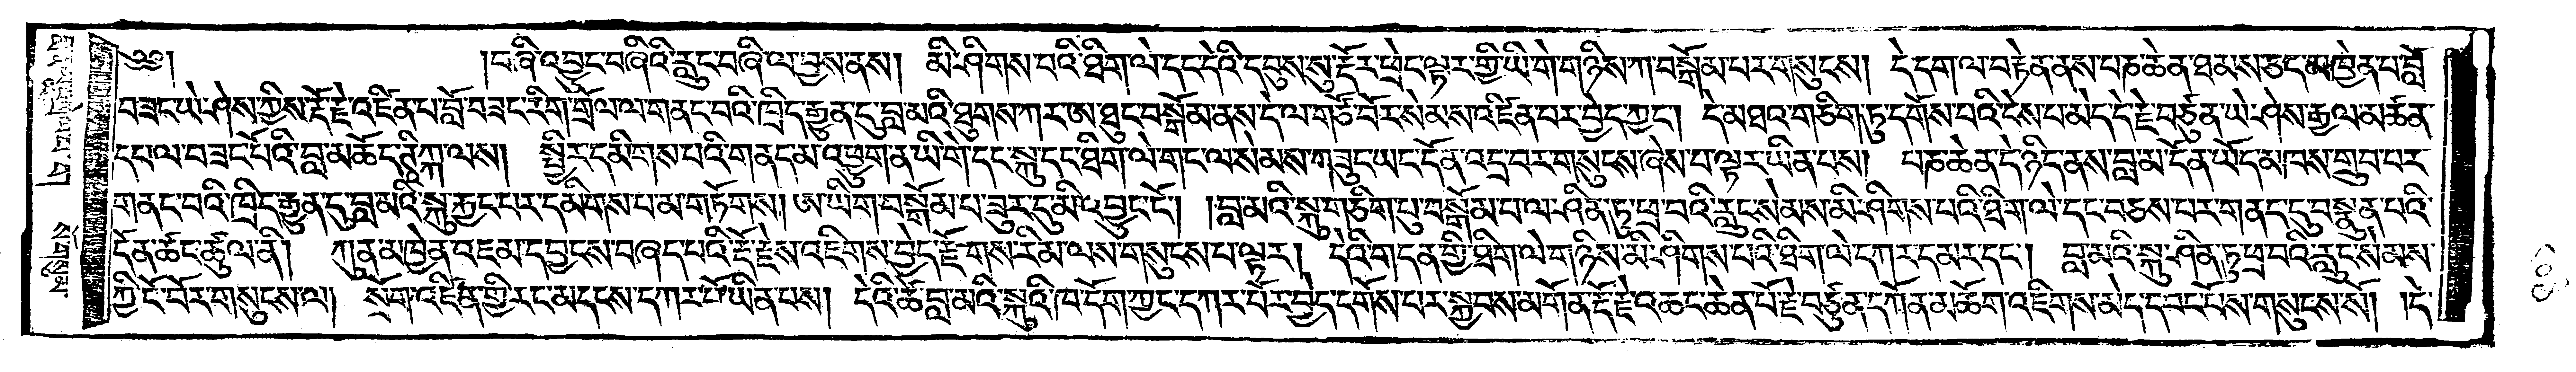༄༅། །བཞི་འབྱུང་བཞིའི་རླུང་བཞི་ལ་བྱས་ནས། མི་ཤིགས་པའི་ཐིག་ལེ་དང་དེའི་དབུས་སུ་རྡོར་ཕྲེང་ལྟར་གྱི་ཡི་གེ་གཉིས་ཀ་བསྒོམ་པར་གསུངས། དེ་དག་ལ་བརྟེན་ནས་པཎ་ཆེན་ཐམས་ཅད་མཁྱེན་པ་བློ་
བཟང་ཡེ་ཤེས་ཀྱིས་རྡོ་རྗེ་འཛིན་པ་བློ་བཟང་རིག་གྲོལ་ལ་གནང་བའི་ཁྲིད་རྒྱུན་དུ་བླ་མའི་ཐུགས་ཀར་ཨ་ཐུང་བསྒོམ་ནས་དེ་ལ་གཙོ་བོར་སེམས་འཛིན་པར་བྱེད་ཀྱང་། དེ་མཐའ་གཅིག་ཏུ་དགོས་པའི་ངེས་པ་མེད་དེ་རྗེ་བཙུན་ཡེ་ཤེས་རྒྱལ་མཚན་
དཔལ་བཟང་པོའི་བླ་མཆོད་ཊཱིཀྐ་ལས། སྤྱིར་དམིགས་པའི་གནད་མ་འཕྱུག་ན་ཡི་གེ་དང་སྐུ་དང་ཐིག་ལེ་གང་ལ་སེམས་གཟུང་ཡང་དོན་འདྲ་བར་གསུངས་ཞེས་པ་ལྟར་ཡིན་པས། པཎ་ཆེན་དེ་ཉིད་ནས་བླ་མ་དོན་ཡོད་མཁས་གྲུབ་པར་
གནང་བའི་ཁྲིད་རྒྱུན་དུ་བླ་མའི་སྐུ་རྐྱང་པར་དམིགས་པ་མ་གཏོགས། ཨ་ཡིག་བསྒོམ་པ་ཟུར་དུ་མི་འབྱུང་ངོ། །བླ་མའི་སྐུ་གཅིག་པུ་བསྒོམ་པ་ལ་ཤིན་ཏུ་ཕྲ་བའི་རླུང་སེམས་མི་ཤིགས་པའི་ཐིག་ལེ་དང་བཅས་པར་གནང་དུ་བསྣུན་པའི་
དོན་ཚང་ཚུལ་ནི། ཀུན་མཁྱེན་འཇམ་དབྱངས་བཞད་པའི་རྡོ་རྗེས་འཇིགས་བྱེད་རྫོགས་རིམ་ལས་གསུངས་པ་ལྟར། དེའི་གདན་གྱི་ཐིག་ལེ་གཉིས་མི་ཤིགས་པའི་ཐིག་ལེ་དཀར་དམར་དང་། བླ་མའི་སྐུ་ཤིན་ཏུ་ཕྲ་བའི་རླུང་སེམས་
ཀྱི་ངོ་བོར་གསུངས་ལ། སྲོག་འཛིན་གྱི་རང་མདངས་དཀར་པོ་ཡིན་པས། དེའི་ཚེ་བླ་མའི་སྐུའི་ཁ་དོག་ཀྱང་དཀར་པོར་བྱེད་དགོས་པར་སྐྱབས་མགོན་རྡོ་རྗེ་འཆང་ཆེན་པོ་རྗེ་བཙུན་དཀོན་མཆོག་འཇིགས་མེད་དབང་པོས་གསུངས་སོ། །དེ་